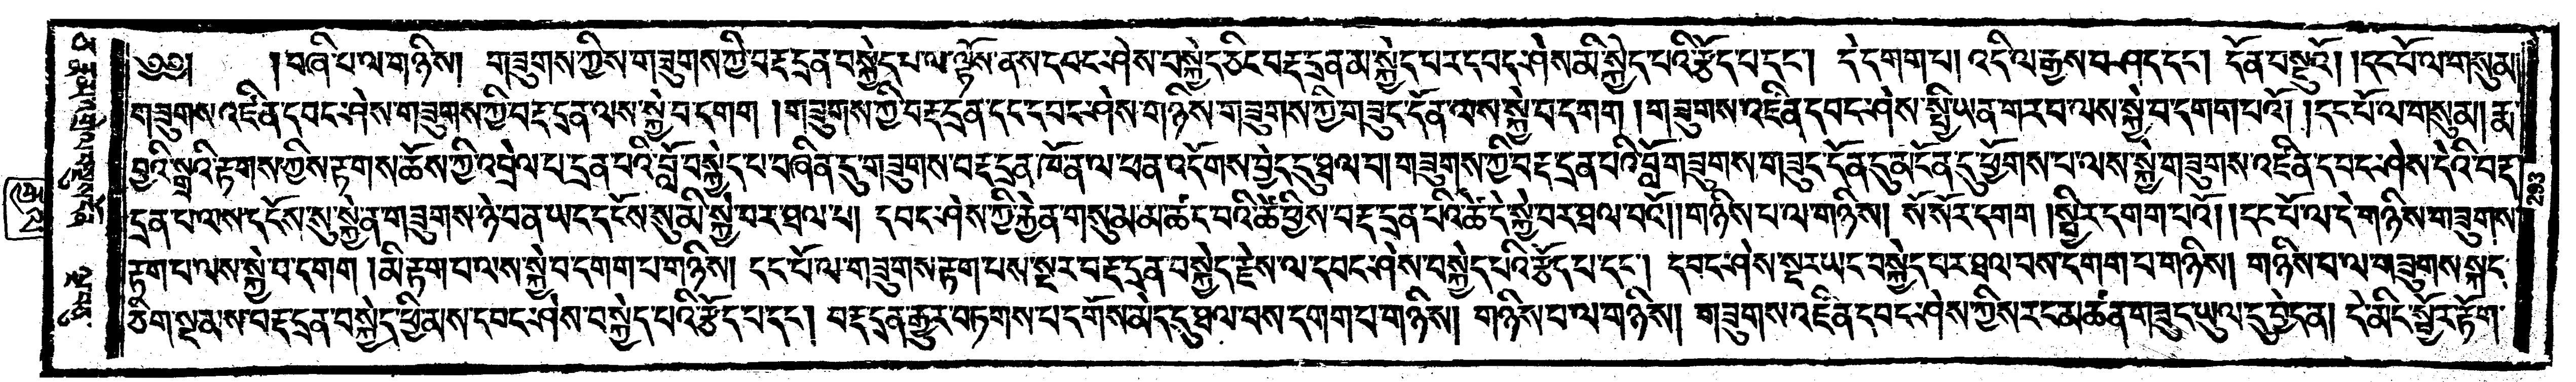༄༅། །བཞི་པ་ལ་གཉིས། གཟུགས་ཀྱིས་གཟུགས་ཀྱི་བརྡ་དྲན་བསྐྱེད་པ་ལ་ལྟོས་ནས་དབང་ཤེས་བསྐྱེད་ཅིང་བརྡ་དྲན་མ་སྐྱེད་པར་དབང་ཤེས་མི་སྐྱེད་པའི་རྩོད་པ་དང་། དེ་དགག་པ། འདི་ལ་རྒྱས་བཤད་དང་། དོན་བསྡུའོ། །དང་པོ་ལ་གསུམ།
གཟུགས་འཛིན་དབང་ཤེས་གཟུགས་ཀྱི་བརྡ་དྲན་ལས་སྐྱེ་བ་དགག །གཟུགས་ཀྱི་བརྡ་དྲན་དང་དབང་ཤེས་གཉིས་གཟུགས་ཀྱི་གཟུང་དོན་ལས་སྐྱེ་བ་དགག །གཟུགས་འཛིན་དབང་ཤེས་སྤྱི་ཡན་གར་བ་ལས་སྐྱེ་བ་དགག་པའོ། །དང་པོ་ལ་གསུམ། རྨ་
བྱའི་སྒྲའི་རྟགས་ཀྱིས་རྟགས་ཆོས་ཀྱི་འབྲེལ་པ་དྲན་པའི་བློ་བསྐྱེད་པ་བཞིན་དུ་གཟུགས་བརྡ་དྲན་ཁོ་ན་ལ་ཕན་འདོགས་བྱེད་དུ་ཐལ་བ། གཟུགས་ཀྱི་བརྡ་དྲན་པའི་བློ་གཟུགས་གཟུང་དོན་དུ་མངོན་དུ་ཕྱོགས་པ་ལས་སྐྱེ་གཟུགས་འཛིན་དབང་ཤེས་དེའི་བརྡ་
དྲན་པ་ལས་དངོས་སུ་སྐྱེ་ན་གཟུགས་ཉེ་བ་ན་ཡང་དངོས་སུ་མི་སྐྱེ་བར་ཐལ་བ། དབང་ཤེས་ཀྱི་རྐྱེན་གསུམ་མ་ཚང་བའི་ཚེ་ཕྱིས་བརྡ་དྲན་པའི་ཚེ་དེ་སྐྱེ་བར་ཐལ་བའོ། །གཉིས་པ་ལ་གཉིས། སོ་སོར་དགག །སྤྱིར་དགག་པའོ། །དང་པོ་ལ་དེ་གཉིས་གཟུགས་
རྟག་པ་ལས་སྐྱེ་བ་དགག །མི་རྟག་པ་ལས་སྐྱེ་བ་དགག་པ་གཉིས། དང་པོ་ལ་གཟུགས་རྟག་པས་སྔར་བརྡ་དྲན་བསྐྱེད་རྗེས་ལ་དབང་ཤེས་བསྐྱེད་པའི་རྩོད་པ་དང་། དབང་ཤེས་སྔར་ཡང་བསྐྱེད་པར་ཐལ་བས་དགག་པ་གཉིས། གཉིས་པ་ལ་གཟུགས་སྐད་
ཅིག་སྔ་མས་བརྡ་དྲན་བསྐྱེད་ཕྱི་མས་དབང་ཤེས་བསྐྱེད་པའི་རྩོད་པ་དང་། བརྡ་དྲན་རྒྱུར་བཏགས་པ་དགོས་མེད་དུ་ཐལ་བས་དགག་པ་གཉིས། གཉིས་པ་ལ་གཉིས། གཟུགས་འཛིན་དབང་ཤེས་ཀྱིས་རང་མཚན་གཟུང་ཡུལ་དུ་བྱེད་ན། དེ་མིང་སྦྱོར་རྟོག་